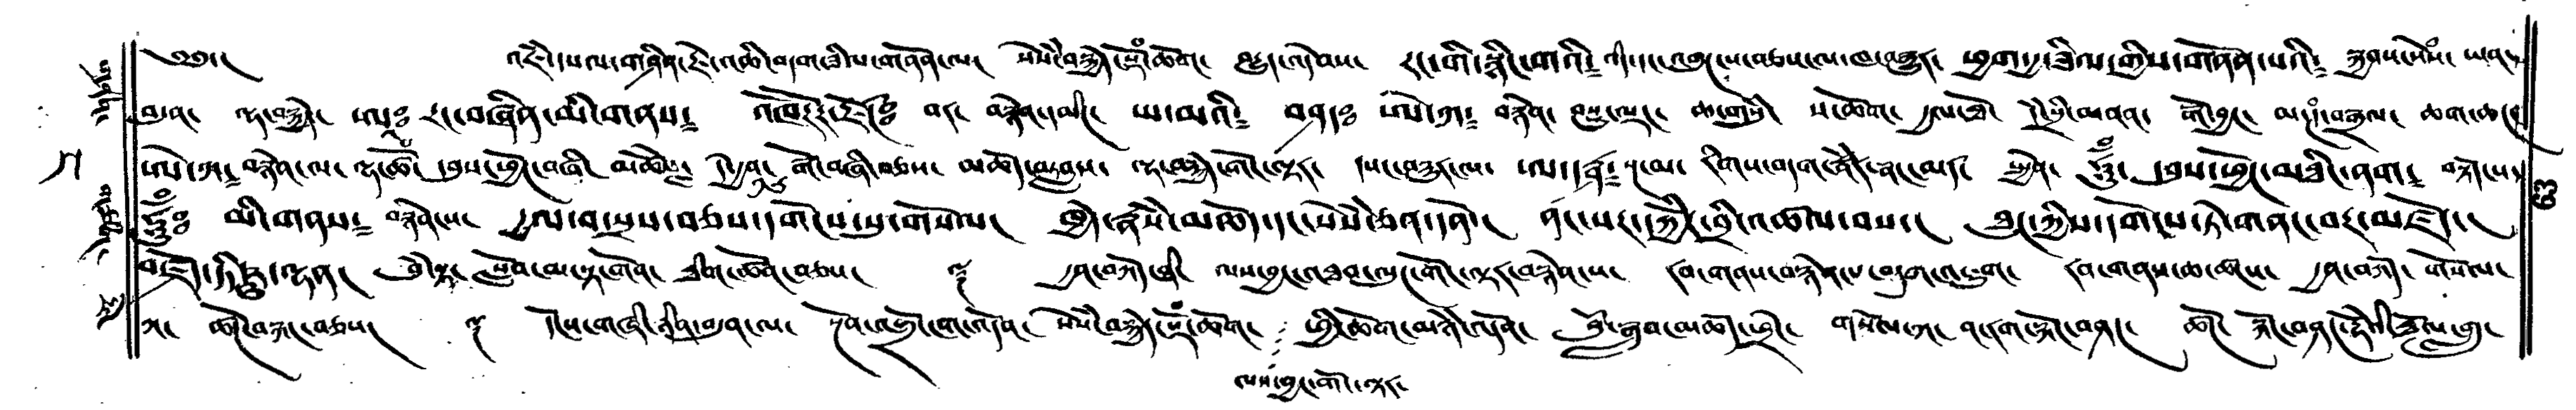འཇམ་དཔལ་གཤིན་རྗེ་འཆི་བདག་ཟིལ་གནོན་ལ། སེམས་བསྐྱེད་སྡོམ་ཆོག བརྒྱུད་འདེབས། རང་གི་སྙིང་གའི༴ འདི་དང་འགུགས་པ་བཅས་ལ་ཁ་སྒྱུར། ཕྱག་རྒྱ་ཟིལ་གྱིས་གནོན་པའི༴ སྐྱབས་སེམས། ཡན་
བདུན། ལྷ་བསྐྱེད། ཨཱཿ རང་བཞིན་མི་གནས༴ འཁོར་ལོར་རྫོགསཿ བར། བསྙེན་དམིགས། ཡ་མའི༴ བཤདཿ ཨེ་ཀ༴ བསྙེན། བསྡུ་ལྡང་། ཆ་གསུམ། ས་ཆོག། རྒྱལ་ཐོ། དམ་སྲི་མནན། སྒོ་བྱང་། མ་ཊམ་བསྒྲལ། ཆག་ཆག 
ཨེ་ཀ༴ བསྙེན་ལ། ལྷ་ཚོམ། དབུས་ཕྱོགས་བཞི། མཚམས་བཞི། དེ་རྒྱབ་བཅུ་དྲུག སྒོ་བཞི་བཅས། མཆོད་བརླབས། ལྷ་བསྐྱེད་གོང་ལྟར། དཔང་བསྐུར་ལ། ཨ་དརྴ༴ སྔ་མ། རིགས་བདག་རྣམ་པར་སྣང་མཛད། སྤྱན་འདྲེན། ཧཱུྃ། དབུས་ཕྱོགས་མཐིང་ནག༴ བསྟོད་པ།
 ཧཱུྃཿ མི་གནས༴ བསྙེན་པ། རྒྱལ་བ་སྲས་བཅས་དགོངས་སུ་གསོལ། ཁྱེད་རྣམས་མཆོད་དང་སེམས་ཅན་དོན། །ནངས་པར་དཀྱིལ་འཁོར་བྲི་འཚལ་བས། །ཐུགས་ཀྱིས་དགོངས་ཏེ་གནང་བར་མཛོད། 
བཛྲཽད་ཏིཥྛ་ལྷན། བུམ་སྟ། སློབ་མ་སྟ་གོན། ཐིག་ཚོན་བཅས། ༈ རྒྱན་བཀོད་ནི། ལས་བྱང་ཐབ་ལུགས་གོང་ལྟར་བསྙེན་པ། རབ་གནས་བསྙེན་པ་བདག་འཇུག། རབ་གནས་ཆ་ཚང་། རྒྱན་བཀོད། གསོལ་
ཀ། ཚོགས་སྐོང་བཅས། ༈ དངོས་གཞི་ཉིན་བདུན་ལ། སྔོན་འགྲོ་ངག་འདོན། སེམས་བསྐྱེད་སྡོམ་ཆོག། ལས་བྱང་གོང་ལྟར། ཕྱི་ཆོག་མཉམ་འདོན། བུམ་སྒྲུབ་མཆོད་ཕྲེང་། གསོལ་ཀ ན་རག་སྐོང་བཤགས། ཚོགས། སྐོང་བཤགས་རྡོ་རྗེའི་ཐོལ་གླུ།